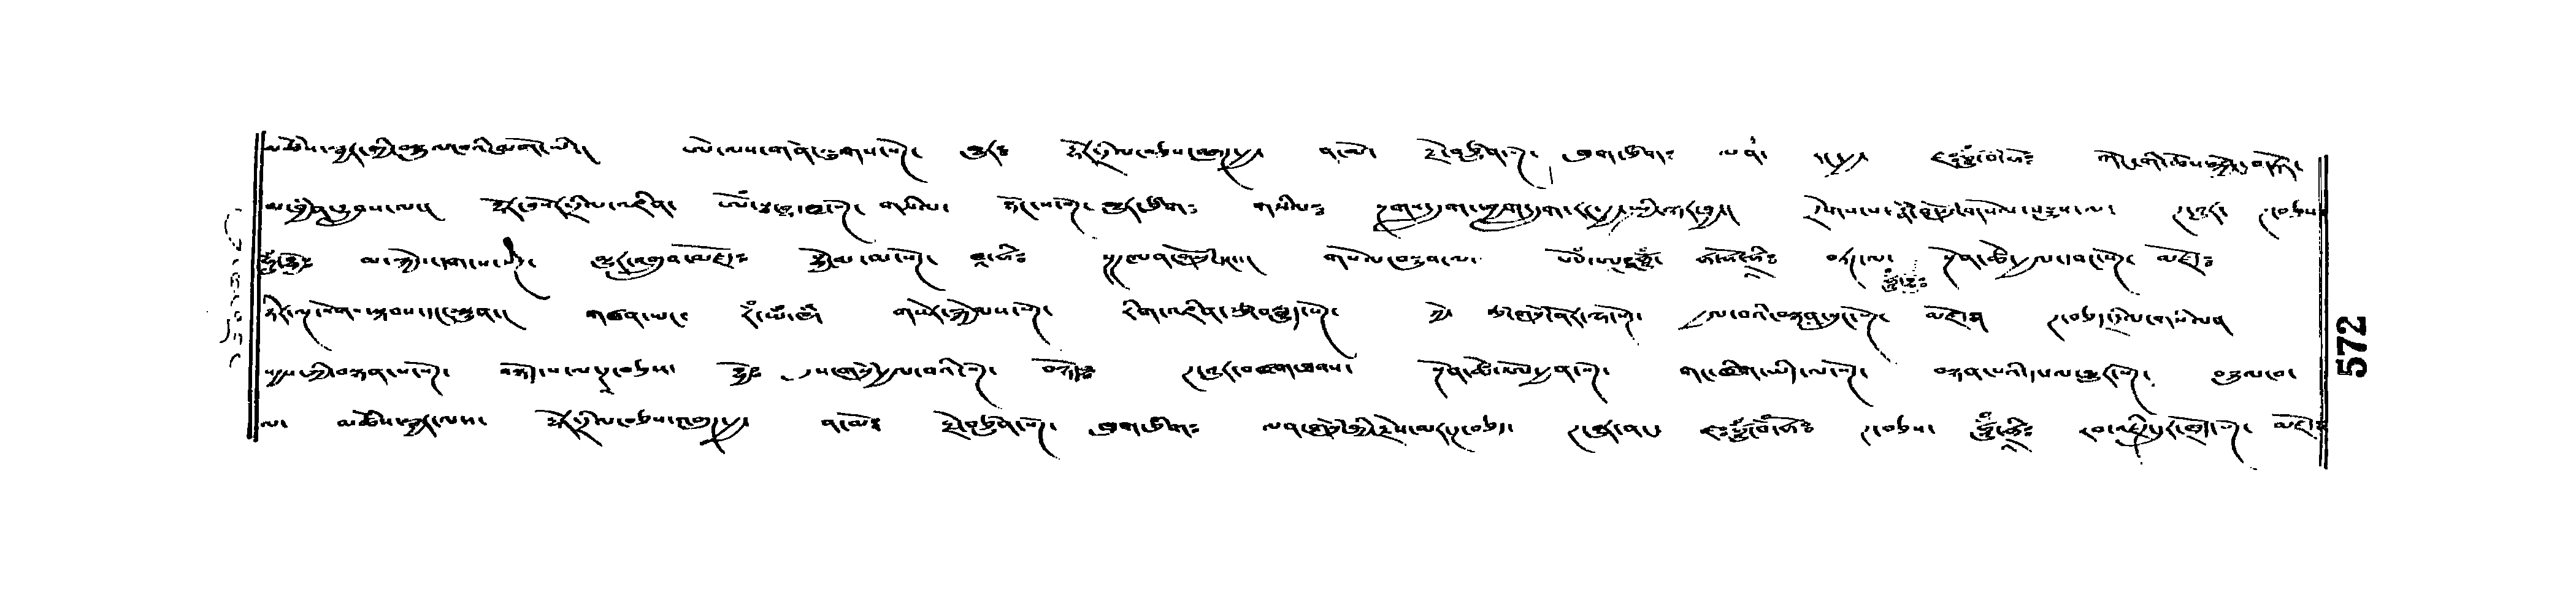མཚམས་སྦྱར་གྱི་བསྐུལ་བའི་མགོ་ཡི། ཨེ་ལས་གནམ་ལྕགས་སོགས། གྱུརཿ རྡོར་དྲིལ་བཅས་འགུགས་རྒྱ། ན་མོཿ རྗེ་བཙུན་སོགས། ཁུག་ཅིགཿ ལན་གསུམ། རང་རྒྱ། ཛ༔ཧཱུྃ་བཾ་ཧོཿ གོང་གི་ཆོས་སྐྱོང་གཏོར་
མ་བྱིན་རླབས་ལ།རྡོར་བསོར་དྲིལ་འཛིན། ཨོཾ་སྭ་བྷ་ཝ་སོགས། གསིལ། སྟོང་པ་སོགས་གྱུར་ཅིགཿ གསིལ། སྔགས་དྲུག་ཕྱག་དྲུག་རང་རྒྱ་སྤྱི་ལྟར་བྱ། དྲེགས་པ་རྣམ་གསུམ་གསོལ་བསྡུས་ལ། ཌཱ་འུར། ཌཱ་བཅས། 
ཧཱུྃ་བྷྱོཿ མ་སྐྱེས་དག་པ་སོགས། མྱུར་འགྲུབ་མཛོདཿ བྷྱོ་ལ་མ་སོགས། ཁཱ་ཧིཿ སྔགས་ལན་གསུམ་དང་། གསོལ་བསྡུས་ལ། ཨོཾ་ཨཱ་ཧཱུྃ་ཧ་ཧོ་ཧྲཱིཿ བཏགས་ལ། ཧཱུྃ་བྷྱྃཿ སྔོན་ཚེ་རྒྱལ་དབང་སོགས། མཛོདཿ 
ཚར་ཉེར་ལྔ་སོགས་སྐབས་དང་བསྟུན། གཞན་ཡང་། རྃ་ཡྃ་ཁྃཿ གསེར་སྐྱེམས་སོགས། རིག་འཛིན་རྩ་བརྒྱུད་སོགས། ཀྱཻ༔རྩ་གསུམ་ནོར་ལྷ་སོགས། རྒྱལ་བའི་བསྟན་སྲུང་སོགས། མཛོདཿ ཌཱ་བཅད། དྲིལ་གསིལ། 
སངས་རྒྱས་ཀྱི་བསྟན་པ་སོགས། བསྟོད་པ་ལ་ཌཱ་བཅས། བྷྱོཿ དུས་གསུམ་རྒྱལ་བའི་སོགས། བསྟོདཿ ཌཱ་འུར་བཞག་ཐབས། སྔོན་ཚེ་ཨོ་རྒྱན་སོགས། གང་ཞིག་ཡིད་ལ་སོགས། བསྟན་པའི་དཔལ་གྱུར་སོགས། བསྐུལ་བ་
ལ། མཚམས་སྦྱར་ལས། རྡོར་དྲིལ་བཅས་འགུགས་རྒྱ། ན་མོ། རྗེ་བཙུན་སོགས། ཁུག་ཅིགཿ ལན་གསུམ་གྱི་རྗེས་མར་ཌཱ་བཅད། ཌཱ་འུར་ནང་། ཛཿཧཱུྃ་བྃ་ཧོཿ ཌཱ་བཅས། ཧཱུྃ་ཧྲཱིཿ རབ་འཇིགས་དུར་ཁྲོད་སོགས། མཛོདཿ